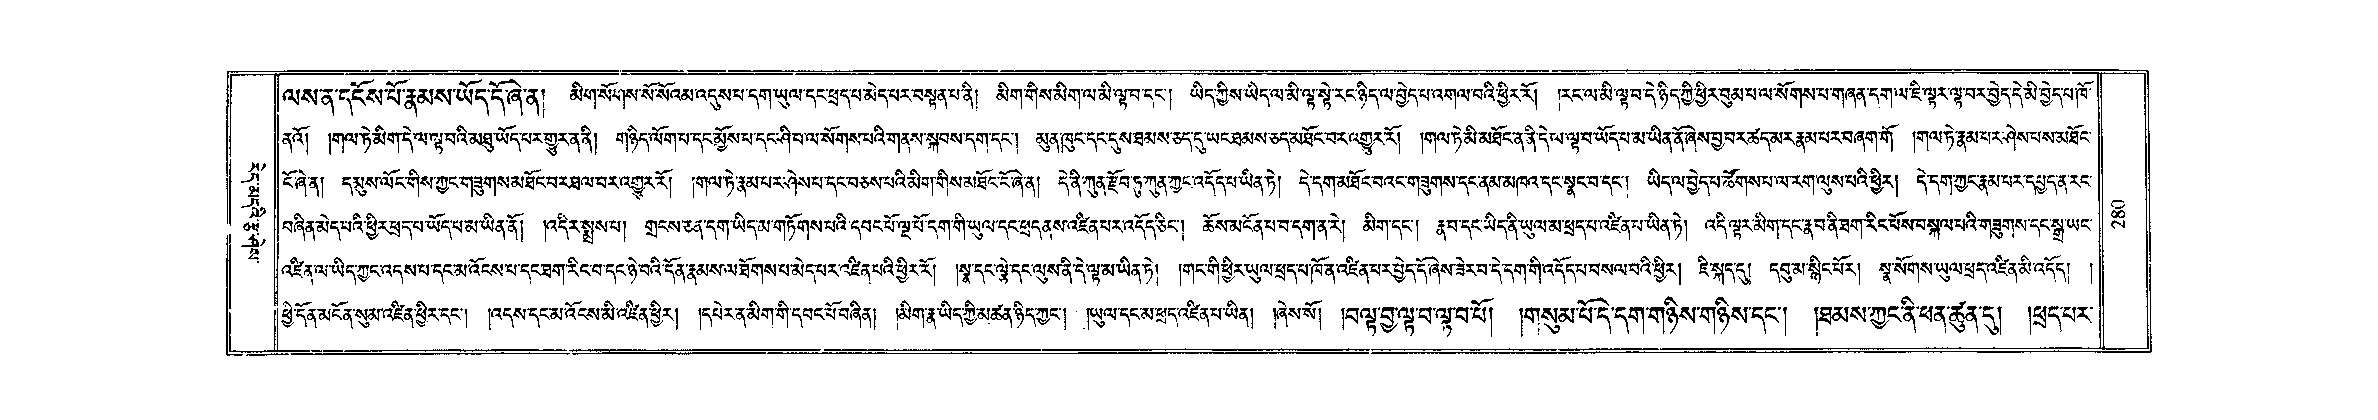ལས་ན་དངོས་པོ་རྣམས་ཡོད་དོ་ཞེ་ན། མིག་སོགས་སོ་སོའམ་འདུས་པ་དག་ཡུལ་དང་ཕྲད་པ་མེད་པར་བསྟན་པ་ནི། མིག་གིས་མིག་ལ་མི་ལྟ་བ་དང་། ཡིད་ཀྱིས་ཡིད་ལ་མི་ལྟ་སྟེ་རང་ཉིད་ལ་བྱེད་པ་འགལ་བའི་ཕྱིར་རོ། །རང་ལ་མི་ལྟ་བ་དེ་ཉིད་ཀྱི་ཕྱིར་བུམ་པ་ལ་སོགས་པ་གཞན་དག་ལ་ཇི་ལྟར་ལྟ་བར་བྱེད་དེ་མི་བྱེད་པ་ཁོ་
ནའོ། །གལ་ཏེ་མིག་དེ་ལ་ལྟ་བའི་མཐུ་ཡོད་པར་གྱུར་ན་ནི། གཉིད་ལོག་པ་དང་མྱོས་པ་དང་ཤི་བ་ལ་སོགས་པའི་གནས་སྐབས་དག་དང་། མུན་ཁུང་དང་དུས་ཐམས་ཅད་དུ་ཡང་ཐམས་ཅད་མཐོང་བར་འགྱུར་རོ། །གལ་ཏེ་མི་མཐོང་ན་ནི་དེ་ལ་ལྟ་བ་ཡོད་པ་མ་ཡིན་ནོ་ཞེས་བྱ་བར་ཚད་མར་རྣམ་པར་བཞག་གོ །གལ་ཏེ་རྣམ་པར་ཤེས་པས་མཐོང་
ངོ་ཞེ་ན། དམུས་ལོང་གིས་ཀྱང་གཟུགས་མཐོང་བར་ཐལ་བར་འགྱུར་རོ། །གལ་ཏེ་རྣམ་པར་ཤེས་པ་དང་བཅས་པའི་མིག་གིས་མཐོང་ངོ་ཞེ་ན། དེ་ནི་ཀུན་རྫོབ་ཏུ་ཀུན་ཀྱང་འདོད་པ་ཡིན་ཏེ། དེ་དག་མཐོང་བའང་གཟུགས་དང་ནམ་མཁའ་དང་སྣང་བ་དང་། ཡིད་ལ་བྱེད་པ་ཚོགས་པ་ལ་རག་ལུས་པའི་ཕྱིར། དེ་དག་ཀྱང་རྣམ་པར་དཔྱད་ན་རང་
བཞིན་མེད་པའི་ཕྱིར་ཕྲད་པ་ཡོད་པ་མ་ཡིན་ནོ། །འདིར་སྨྲས་པ། གྲངས་ཅན་དག་ཡིད་མ་གཏོགས་པའི་དབང་པོ་ལྔ་པོ་དག་གི་ཡུལ་དང་ཕྲད་ནས་འཛིན་པར་འདོད་ཅིང་། ཆོས་མངོན་པ་བདག་ན་རེ། མིག་དང་། རྣ་བ་དང་ཡིད་ནི་ཡུལ་མ་ཕྲད་པ་འཛིན་པ་ཡིན་ཏེ། འདི་ལྟར་མིག་དང་རྣ་བ་ནི་ཐག་རིང་པོས་བསྐལ་པའི་གཟུགས་དང་སྒྲ་ཡང་
འཛིན་ལ་ཡིད་ཀྱང་འདས་པ་དང་མ་འོངས་པ་དང་ཐག་རིང་བ་དང་ཉེ་བའི་དོན་རྣམས་ལ་ཐོགས་པ་མེད་པར་འཛིན་པའི་ཕྱིར་རོ། །སྣ་དང་ལྕེ་དང་ལུས་ནི་དེ་ལྟ་མ་ཡིན་ཏེ། །གང་གི་ཕྱིར་ཡུལ་ཕྲད་པ་ཁོ་ན་འཛིན་པར་བྱེད་དོ་ཞེས་ཟེར་བ་དེ་དག་གི་འདོད་པ་བསལ་བའི་ཕྱིར། ཇི་སྐད་དུ། དབུ་མ་སྙིང་པོར། སྣ་སོགས་ཡུལ་ཕྲད་འཛིན་མི་འདོད། །
ཕྱི་དོན་མངོན་སུམ་འཛིན་ཕྱིར་དང་། །འདས་དང་མ་འོངས་མི་འཛིན་ཕྱིར། །དཔེར་ན་མིག་གི་དབང་པོ་བཞིན། །མིག་རྣ་ཡིད་ཀྱི་མཚན་ཉིད་ཀྱང་། །ཡུལ་དང་མ་ཕྲད་འཛིན་པ་ཡིན། །ཞེས་སོ། །བལྟ་བྱ་ལྟ་བ་ལྟ་བ་པོ། །གསུམ་པོ་དེ་དག་གཉིས་གཉིས་དང་། །ཐམས་ཀྱང་ནི་ཕན་ཚུན་དུ། །ཕྲད་པར་